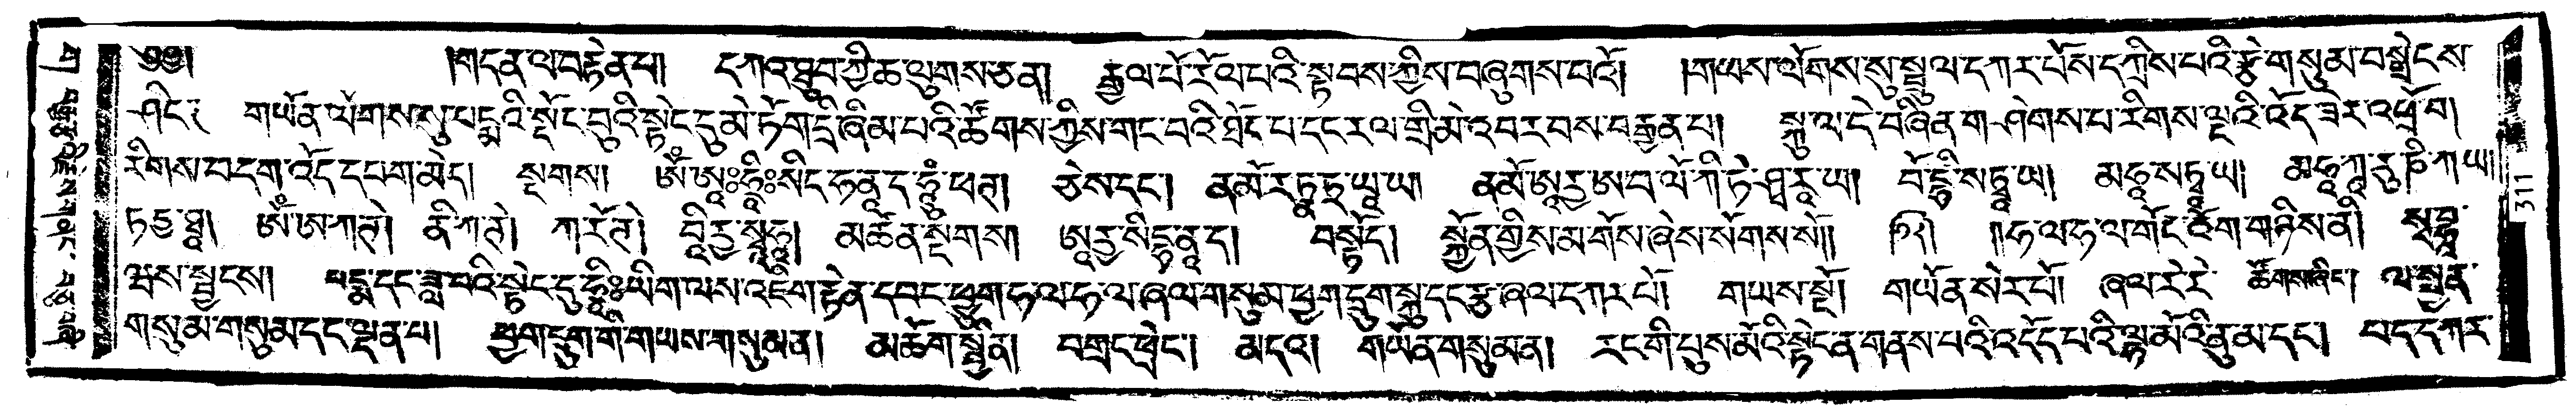༄༅། །གདན་ལ་བརྟེན་པ། དཀའ་ཐུབ་ཀྱི་ཆ་ལུགས་ཅན། རྒྱལ་པོ་རོལ་པའི་སྟབས་ཀྱིས་བཞུགས་པའོ། །གཡས་ལོགས་སུ་སྦྲུལ་དཀར་པོས་དཀྲིས་པའི་རྩེ་གསུམ་བསྒྲེངས་
ཤིང༑ གཡོན་ལོགས་སུ་པདམའི་སྡོང་བུའི་སྟེང་དུ་མེ་ཏོག་དྲི་ཞིམ་པའི་ཚོགས་ཀྱིས་གང་བའི་ཐོང་པ་དང་རལ་གྲི་མེ་འབར་བས་བརྒྱན་པ། སྐུ་ལ་དེ་བཞིན་གཤེགས་པ་རིགས་ལྔའི་འོད་ཟེར་འཕྲོ་བ།
རིགས་བདག་འོད་དཔག་མེད། སྔགས། ཨོཾ་ཨཱཿཧྲཱིཿསིད་ཧ་ནཱ་ད་ཧཱུཾ་ཕཊ། ཅེས་དང་། ན་མོ་རཏྣ་ཏྲ་ཡཱ་ཡ། ན་མོ་ཨཱརྱ་ཨ་བ་ལོ་ཀི་ཏེ་ཤྭ་རཱ་ཡ། བོ་དྷི་སཏྭཱ་ཡ། མཧཱ་སཏྭཱ་ཡ། མཧཱ་ཀཱ་རུ་ཎི་ཀ་ཡ།
ཏདྱ་ཐཱ། ཨོཾ་ཨ་ཀ་ཊེ། ནི་ཀ་ཊེ། ཀ་རོ་ཊེ། བཱིརྱ་སྭཱཧཱ། མཚན་སྔགས། ཨཱརྱ་སིདྷ་ནཱ་ད། བསྟོད། སྐྱོན་གྱིས་མ་གོས་ཞེས་སོགས་སོ།། ༡༨?་།།ཧ་ལ་ཧ་ལ་གོང་འོག་གཉིས་ནི། སྭ་བྷཱ་
ཝས་སྦྱངས། པདམ་དང་ཟླ་བའི་སྟེང་དུ་ཧྲཱིཿཡིག་ལས་འཇིག་རྟེན་དབང་ཕྱུག་ཧ་ལ་ཧ་ལ་ཞལ་གསུམ་ཕྱག་དྲུག་སྐུ་དང་རྩ་ཞལ་དཀར་པོ། གཡས་སྔོ། གཡོན་སེར་པོ། ཞལ་རེ་རེ་ཚོགས་ཞིང་། ལ་སྤྱན་
གསུམ་གསུམ་དང་ལྡན་པ། ཕྱག་དྲུག་གི་གཡས་གསུམ་ན། མཆོག་སྦྱིན། བགྲང་ཕྲེང་། མདའ། གཡོན་གསུམ་ན། རང་གི་པུས་མོའི་སྟེང་ན་གནས་པའི་འདོད་པའི་ལྷ་མོའི་ནུ་མ་དང་། པད་དཀར་